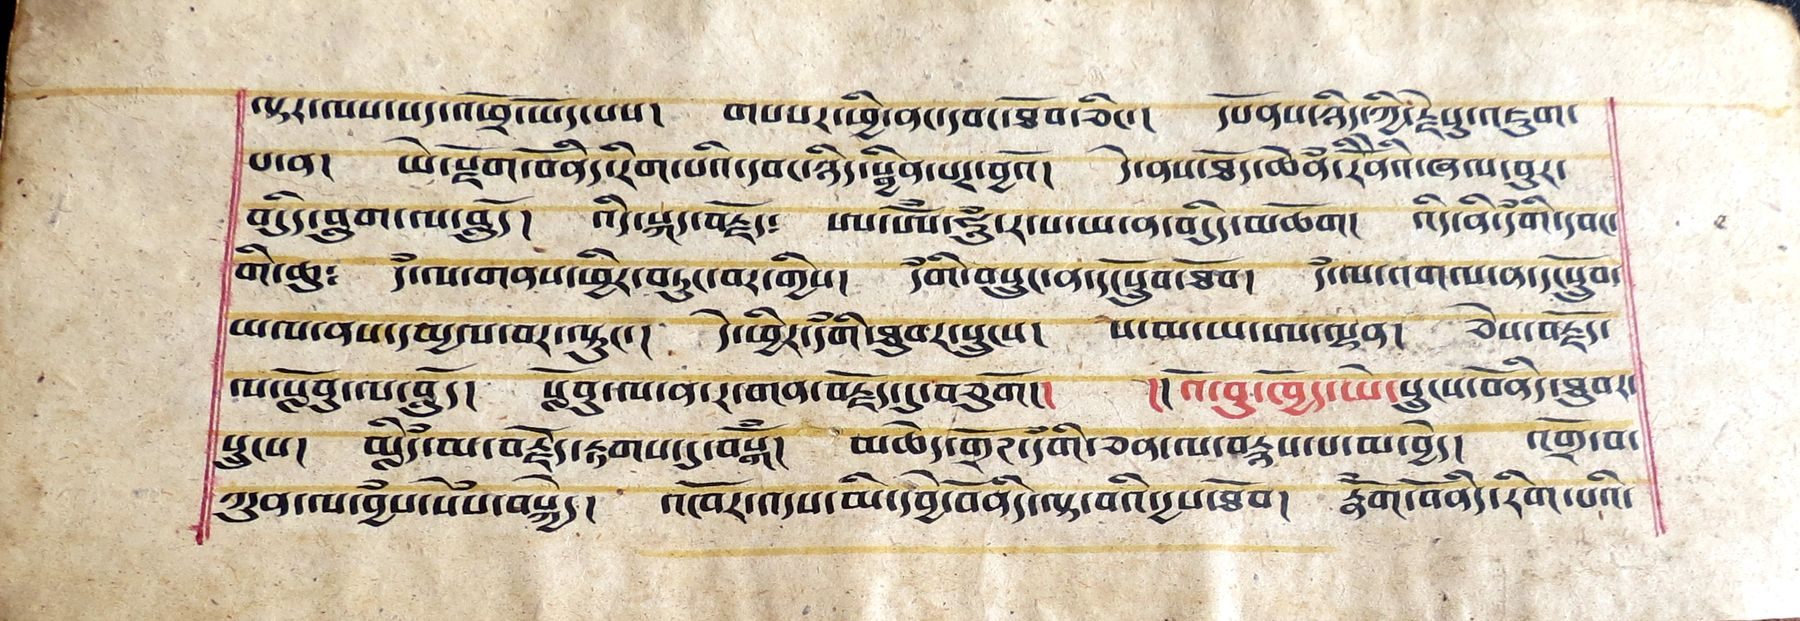ལྟར་ལས་སད་འཕྲོ་ཡོད་པས། ། གསས་མཁར་ཕྱི་ནང་དབང་ཐོབ་ཅིང་། ། དཔོན་གསས་བདག་གིོ་རྗེས་སུ་འཇུག་
པ་ན། ། ཡེ་རྫོགས་བོན་རིག་པའི་དབང་ཉིད་སྦྱིན་པར་བྱའོ། ། དེ་ནས་ཐོད་ཆེན་ནམ་རིན་པོ་ཆེའི་ཞལ་བུར་
བདུད་རྩི་བླུགས་ལ་བླུད་དེ། འདི་སྐད་བརྗོད་དོ། ། ཨ་ཨཱོྃ་ཧཱུྃ། ར་ས་ཡ་ན་བདུད་རྩིའི་མཆོག། འདི་ནི་དམ་ཚིག་དབང་
གི་ཆུ། ། དམ་ལ་གནས་ཕྱིར་བཏུང་བར་བགྱི། ། དམ་ཚིག་བསྲུང་ན་དངོས་གྲུབ་ཐོབ། ། དམ་ལ་འདས་ན་དབང་དང་དངོས་གྲུབ་
ཡལ་ནས་དམྱལ་བར་འགྲོ། ། དེ་ཕྱིར་དམ་ཚིག་ཐུབ་པར་སྲུངས། ། ས་མ་ཡ་ཨ་ལྷན། ། ཞེས་བརྗོད་
ལ་སློབ་བུ་ལ་བླུད་དོ། ། སློབ་བུ་ལ་ན་ར་ཀན་བརྗོད་དུ་བཅུག་གོ། འོ་བུ་ཁྱོད་ཡེ་སྲུང་བོན་ཉིད་ཐུབ་པར་
སྲུངས། ། བླ་མ་ཡི་དམ་མ་བརྗེད་རྟག་ཏུ་བྷོམ། ། མཆེད་གྲོགས་དམ་ཚིག་ཅན་ལ་བརྙས་མ་བྱེད། ། འགྲོ་བ་
ཀུན་ལ་བྱམས་སེམས་བསྐྱེད། ། འཁོར་འདས་མི་དབྱེ་བོན་ཉིད་ལྟ་བའི་རྒྱ་ཡིས་ཐོབ། ། རྣམ་དག་བོན་ཉིད་རིག་པའི་